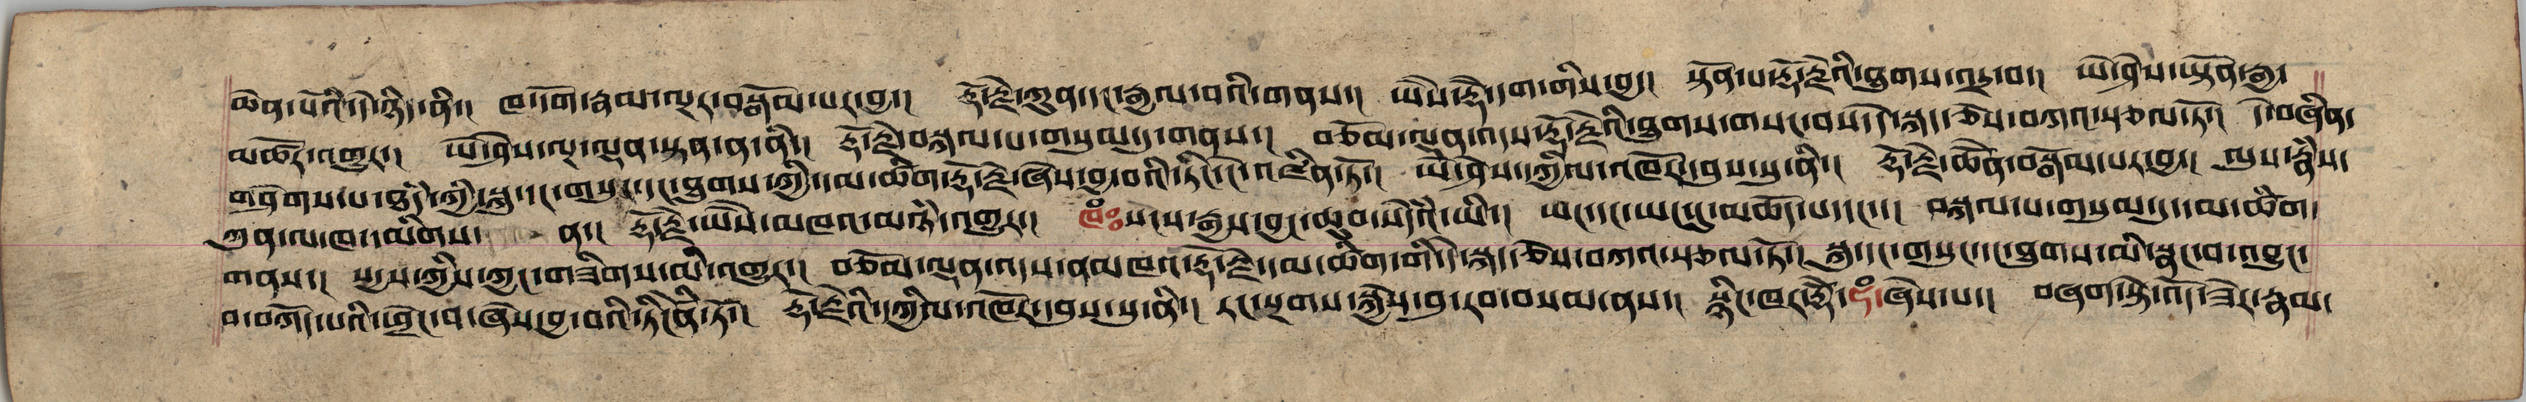ཆེན་པོའི་དེ་ཉིད་ནི་། ཁ་དོག་རྣམ་ལྔར་བསྒོམ་པར་བྱ་། རྡོ་རྗེ་ཀུན་དང་རྒྱལ་བའི་གནས་། ཡཻས་རྡོེ་དག་གིས་བྱ་། སྟོན་པ་རྡོ་རྗེའི་ཐུགས་འདྲ་བ་། ཡེ་ཤེས་ཡྟོན་རྒྱ་
མཚོར་འགྱུར་། ཡེ་ཤེས་ལྔ་ལྡན་སྟན་ན་ནི་། རྡོ་རྗེ་བསྐལ་པ་གསུམ་དུ་གནས་། བཅོམ་ལྡན་འདས་རྡོ་རྗེའི་ཐུགས་གསང་བས་དེ་སྐད་ཅེས་བཀའ་སྩལ་ཏོ་། དེ་བཞིན་
གཤེགས་པ་ཐཾད་ཀྱི་སྐུ་དང་གསུང་དང་ཐུགས་ཀྱི་དམ་ཚིག་རྡོ་རྗེ་ཞེས་བྱ་བའི་ཏིང་ངེ་འཛིན་ཏོ་། ཡེ་ཤེས་དཀྱིལ་འཁོར་དབུས་སུ་ནི་། རྡོ་རྗེ་ཆེནོ་བསྒོམ་པར་བྱ་། ལུས་རྣཾས་
ཀུན་ལ་ཁ་དམིགས་ ན་། རྡོ་རྗེ་ཡཻས་མཁའ་མཉཾ་འགྱུར་། ཁཾཿསངས་རྒྱས་བྱང་ཆུབ་སེདཾའ་ཡི་། ཡང་དང་ཡང་དུ་མཆོད་པ་དང་་། བསྐལ་པ་གསུམ་དུ་དམ་ཚིག་
གནས་། སདྱས་ཀྱིས་ཀྱང་གཟིགས་མི་འགྱུར་། བཅོམ་ལྡན་འདས་ནམཁའ་རྡོ་རྗེ་དམ་ཚིག་གི་དེ་སྐད་ཅེས་བཀའ་སྩལ་ཏོ་། སྐུ་དང་གསུང་དང་ཐུགས་མི་སྣང་བ་འབྱུང་
བ་བཀོད་པའི་ཕྲེང་བ་ཞེས་བྱ་བའི་ཏིངེཛིན་ཏོ་། རྡོ་རྗེའི་དཀྱིལ་འཁོར་དབུས་སུ་ནི་། རང་སྔགས་སྐྱེས་བུ་རབ་བསམ་ནས་། སྙིང་ཁར་རྡོེ་ཧཾ་ཞེས་པ་། བཞག་སྟེ་འདོ་ཟེར་རྣམ་